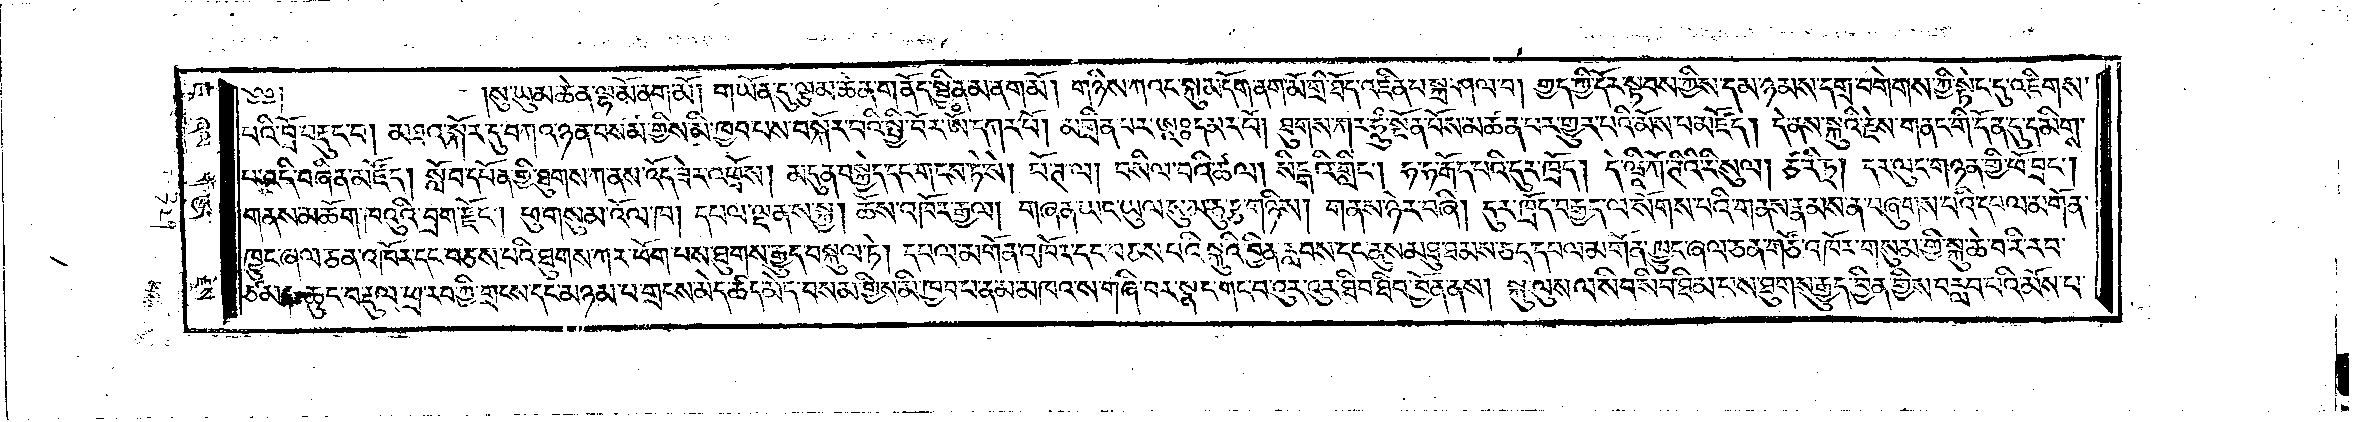༄༅། །སུ་ཡུམ་ཆེན་ལྷ་མོ་ནག་མོ། གཡོན་དུ་ལྕམ་ཆེན་གནོད་སྦྱིན་མནག་མོ། གཉིས་ཀའང་སྐུ་མདོག་ནག་མོ་གྲི་ཐོད་འཛིན་པ་སྐྲ་ཤལ་བ། གྱད་ཀྱི་དོར་སྟབས་ཀྱིས་དམ་ཉམས་དགྲ་བགེགས་ཀྱི་སྟེང་དུ་འཇིགས་
པའི་བྲོ་བརྡུང་བ། མཐའ་སྐོར་དུ་བཀའ་ཉན་བསམ་གྱིས་མི་ཁྱབ་པས་བསྐོར་བའི་སྤྱི་བོར་ཨོཾ་དཀར་པོ། མགྲིན་པར་ཨཱཿདམར་པོ། ཐུགས་ཀར་ཧཱུཾ་སྔོན་པོས་མཚན་པར་གྱུར་པའི་མོས་པ་མཛོད། དེ་ནས་སྐུའི་རྗེས་གནང་གི་དོན་དུ་དམིགས་
པ་འདི་བཞིན་མཛོད། སློབ་དཔོན་གྱི་ཐུགས་ཀ་ནས་འོད་ཟེར་འཕྲོས། མདུན་བསྐྱེད་དང་གངས་ཏེ་སེ། པོ་ཊ་ལ། བསིལ་བའི་ཚལ། སིངྒའི་གླིང་། ཧ་ཧ་རྒོད་པའི་དུར་ཁྲོད། དེ་ཝཱི་ཀོ་ཊིའི་རི་སུལ། ཙ་རི་ཏྲ། དར་ལུང་གཉན་གྱི་ཕོ་བྲང་།
གནས་མཆོག་ཁའུའི་བྲག་རྫོང་། ཕུ་གསུམ་འོལ་ཁ། དཔལ་ལྡན་ས་སྐྱ། ཆོས་འཁོར་རྒྱལ། གཞན་ཡང་ཡུལ་སུམ་ཅུ་རྩ་གཉིས། གནས་ཉེར་བཞི། དུར་ཁྲོད་བརྒྱད་ལ་སོགས་པའི་གནས་རྣམས་ན་བཞུགས་པའི་དཔལ་མགོན་
ཁྱད་ཞལ་ཅན་འཁོར་དང་བཅས་པའི་ཐུགས་ཀར་ཕོག་པས་ཐུགས་རྒྱུད་བསྐུལ་ཏེ། དཔལ་མགོན་འཁོར་དང་བཅས་པའི་སྐུའི་བྱིན་རླབས་དང་ནུས་མཐུ་ཐམས་ཅད་དཔལ་མགོན་ཁྱུང་ཞལ་ཅན་གཙོ་འཁོར་གསུམ་གྱི་སྐུ་ཆེ་བ་རི་རབ་
ཙམ། ཆུང་བརྡུལ་ཕྲ་རབ་ཀྱི་གྲངས་དང་མཉམ་བ་གྲངས་མེད་ཚད་མེད་བསམ་གྱིས་མི་ཁྱབ་པ་ནམ་མཁའ་ས་གཞི་བར་སྣང་གང་བ་འུར་འུར་ཐིབ་ཐིབ་བྱོན་ནས། སྐུ་ལུས་ལ་སིབ་སིབ་ཐིམ་པས་ཐུགས་རྒྱུད་བྱིན་གྱིས་བརླབ་པའི་མོས་པ་